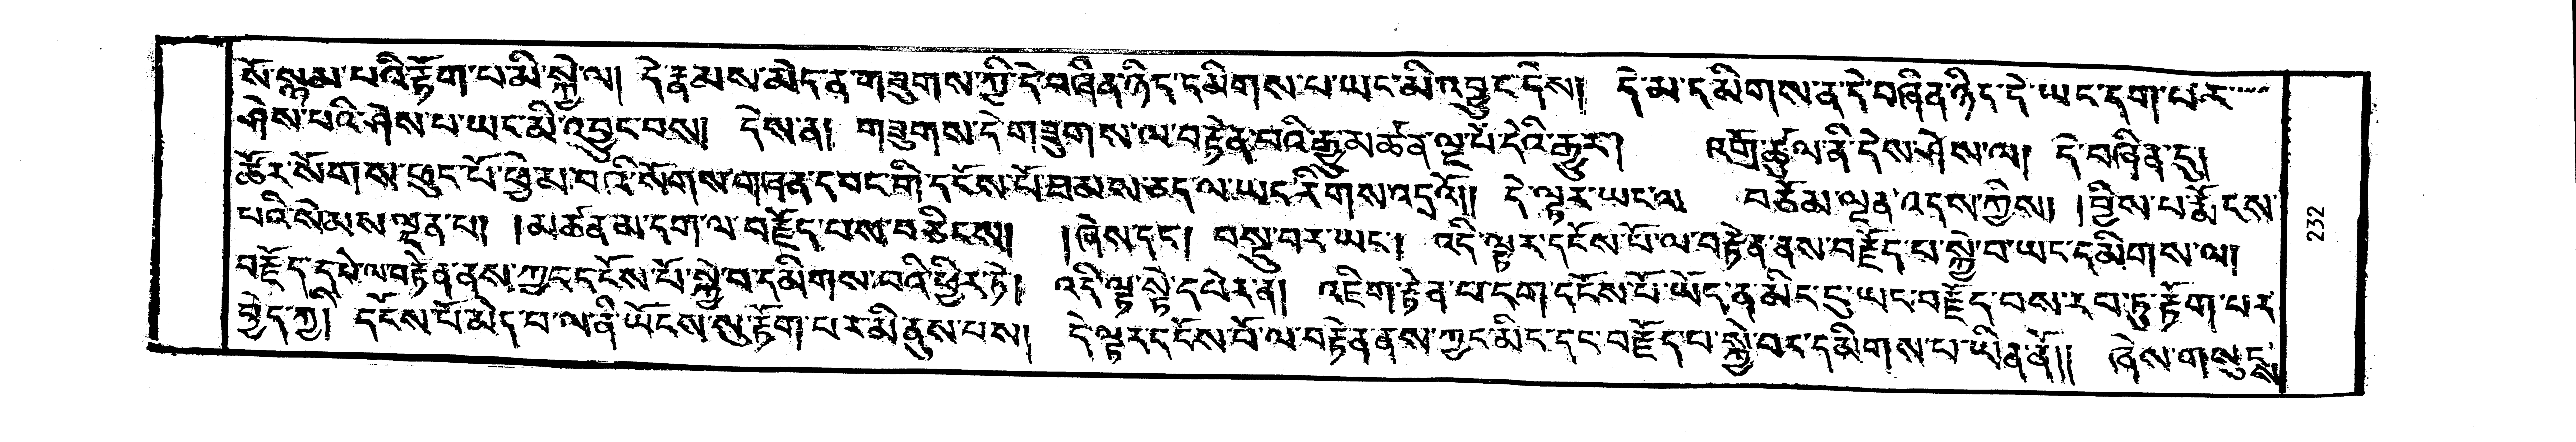སོ་སྙམ་པའི་རྟོག་པ་མི་སྐྱེ་ལ། དེ་རྣམས་མེད་ན་གཟུགས་ཀྱི་དེ་བཞིན་ཉིད་དམིགས་པ་ཡང་མི་འབྱུང་དེས། དེ་མ་དམིགས་ན་དེ་བཞིན་ཉིད་དེ་ཡང་དག་པར་
ཤེས་པའི་ཤེས་པ་ཡང་མི་འབྱུང་བས། དེས་ན། གཟུགས་དེ་གཟུགས་ལ་བརྟེན་པའི་རྒྱུ་མཚན་ལྔ་པོ་དེའི་རྒྱུར། འགྲོ་ཚུལ་ནི་དེས་ཤེས་ལ། དེ་བཞིན་དུ།
ཚོར་སོགས་ཕུང་པོ་ཕྱེ་མ་བའི་སོགས་གཞན་དབང་གི་དངོས་པོ་ཐམས་ཅད་ལ་ཡང་རིགས་འདྲའོ།། དེ་ལྟར་ཡང་ལ་བཅོམ་ལྡན་འདས་ཀྱིས། །བྱིས་པ་རྨོངས་
པའི་སེམས་ལྡན་པ། །མཚན་མ་དག་ལ་བརྗོད་པས་བཅིངས། །ཞེས་དང་། བསྡུ་བར་ཡང་། འདི་ལྟར་དངོས་པོ་ལ་བརྟེན་ནས་བརྗོད་པ་སྐྱེ་བ་ཡང་དམིགས་ལ།
བརྗོད་དཔེ་ལ་བརྟེན་ནས་ཀྱང་དངོས་པོ་སྐྱེ་བ་དམིགས་བའི་ཕྱིར་ཏེ། འདི་ལྟ་སྟེ་དཔེར་ན། འཇིག་རྟེན་པ་དག་དངོས་པོ་ཡོད་ན་མིང་དུ་ཡང་བརྗོད་པས་རབ་ཏུ་རྟོག་པར་
བྱེད་ཀྱི། དངོས་པོ་མེད་པ་ལ་ནི་ཡོངས་སུ་རྟོག་པར་མི་ནུས་པས། དེ་ལྟར་དངོས་པོ་ལ་བརྟེན་ནས་ཀྱང་མིང་དང་བརྗོད་པ་སྐྱེ་བར་དམིགས་པ་ཡིན་ནོ།། ཞེས་གསུངས་